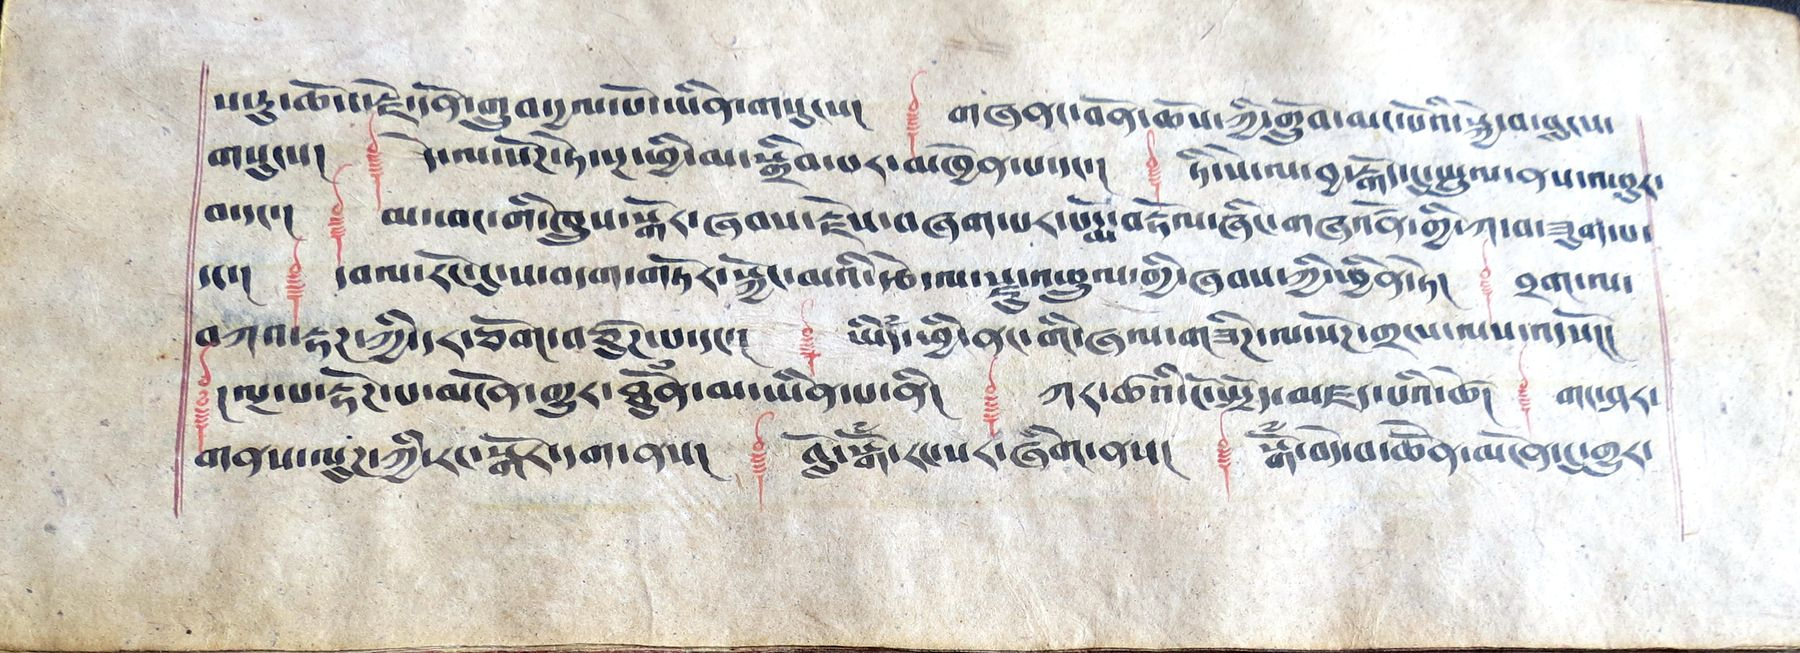སར་ཆོས་རྗེ་དོན་གྲུབ་རྒྱལ་པོ་ཡིན་གསུངས། གཞན་བོན་ཆོས་ཀྱི་གྲུབ་ཐོབ་མང་པོའི་སྐྱེ་བ་བླངས་
གསུངས། དེ་ལས་སོགས་ཏེ། སྔ་ཕྱི་མ་བསྒྲིབས་པར་མཁྱེན་པ་དང་། ཏི་ཙེ་ལ་བྱ་རྒོད་དུ་སྤྲུལ་ནས་འཕུར་
བ་དང་། མ་པང་གི་ཁྲུས་སྒོར་ཞབས་བཞག་སར་པདྨ་བརྡོལ་ཞིང་འཇའ་ཚོན་གྱི་ཀ་བ་ཟུག་པ་
དང་། དབལ་རོང་དུ་ས་བདག་གཏོར་སྐྱོང་མའི་རྩེ་ལ་རྫུ་འཕྲུལ་གྱི་ཞབས་ཀྱིས་ཕྱིན་ཏེ། བྲག་ལ་
བཀའ་རྟགས་ཀྱི་དར་ཅོག་བཙུགས་པ་དང་། ཡི་དམ་ཕྱི་ནང་གི་ཞལ་གཟིགས་ལས་སོགས་གྲངས་ལས་འདས་སོ། ། 
ལྔ་པ་རྟོགས་པ་མངོན་གྱུར་ཐུན་མོང་མ་ཡིན་པ་ནི། ཀར་ཚས་ངོ་སྤྲོད་མཛད་པའི་ཚེ། གང་ཤར་
གནས་ལུགས་ཀྱི་རང་སྒོ་དག་ནས། ཡུལ་མེད་དུ་རང་ངོ་ཤེས་ཏེ། བློ་སྒོམ་རང་སར་ཞིག་ནས། བསྒོམ་བདེ་བ་ཆེན་པོ་མངོན་དུ་གྱུར་